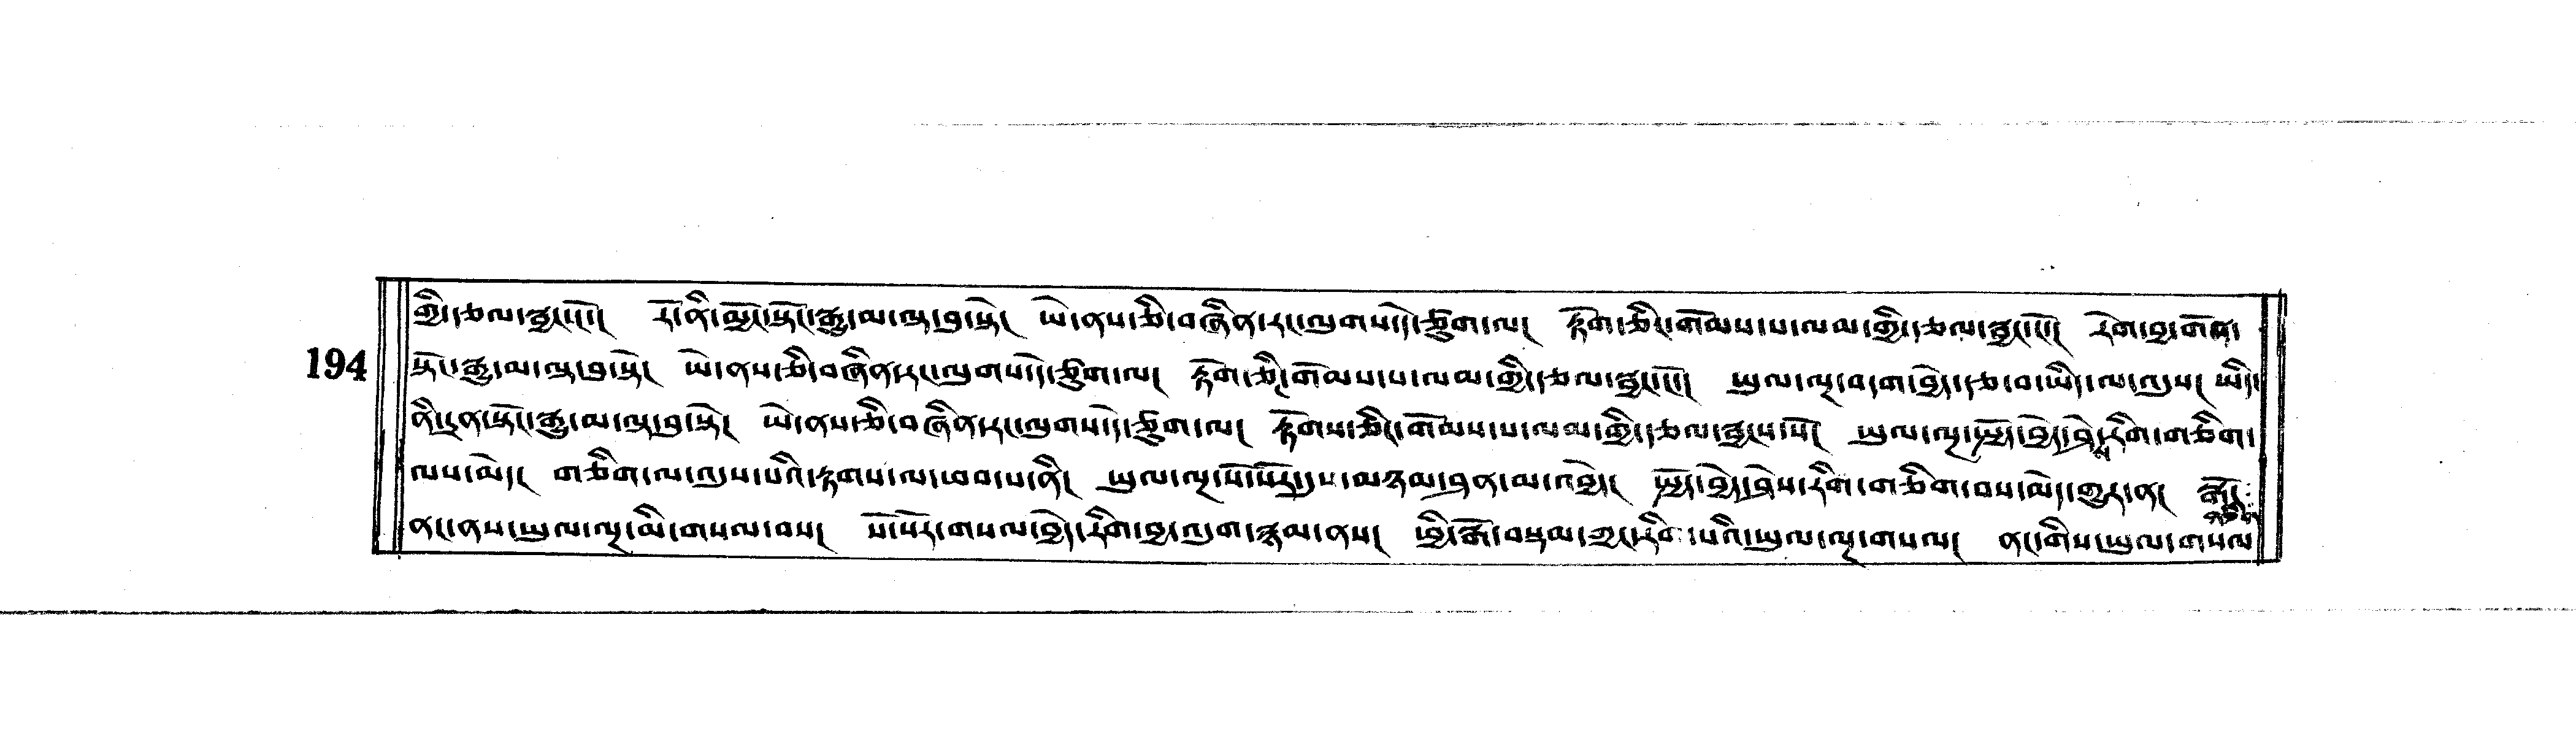གྱི་རྩལ་སྦྱང་ངོ་། རོ་ནི་མྱོང་སྟོང་སྒྱུ་མ་ལྟ་བུ་སྟེ། ཡེ་ནས་ཅི་བཞིན་རང་ལུགས་དེ་ཙུག་ལ། རྟོག་ཅིང་གོམས་པ་ལམ་གྱི་རྩལ་སྦྱང་ངོ་། རེག་བྱ་གོན་
སྟོང་སྒྱུ་མ་ལྟ་བུ་སྟེ། ཡེ་ནས་ཅི་བཞིན་རང་ལུགས་དེ་ཙུག་ལ། རྟོག་ཅིང་གོམས་པ་ལམ་གྱི་རྩལ་སྦྱང་ངོ་། ཡུལ་ལྔ་བདག་བྱེད་རྩ་བ་ཡིད་ལ་འདུས། ཡིད་
ནི་དྲན་སྟོང་སྒྱུ་མ་ལྟ་བུ་སྟེ། ཡེ་ནས་ཅི་བཞིན་རང་ལུགས་དེ་ཙུག་ལ། རྟོག་ཅིང་གོམས་པ་ལམ་གྱི་རྩལ་སྦྱང་ངོ་། ཡུལ་ལྔ་སྤྱོད་བྱེད་ཤེས་རིག་གཅིག་
ལས་མེད། གཅིག་ལ་འདུས་པའི་རྟགས་ལ་ཕབ་པ་ནི། ཡུལ་ལྔ་སོ་སོར་དུས་མཉམ་ཤན་མ་འབྱེད། སྤྱོད་བྱེད་ཤེས་རིག་གཅིག་བས་མེད་གྱུར་ན། སྒོ་གཅིག་
ནང་ནས་ཡུལ་ལྔ་མི་གསལ་བས། སོ་སོར་གསལ་བྱེད་རིག་བྱ་འདུག་སྙམ་ནས། ཕྱི་སྒོ་བསྡམས་ཀྱང་རིག་པའི་ཡུལ་ལྔ་གསལ། ནང་གིས་ཡུལ་གསལ་